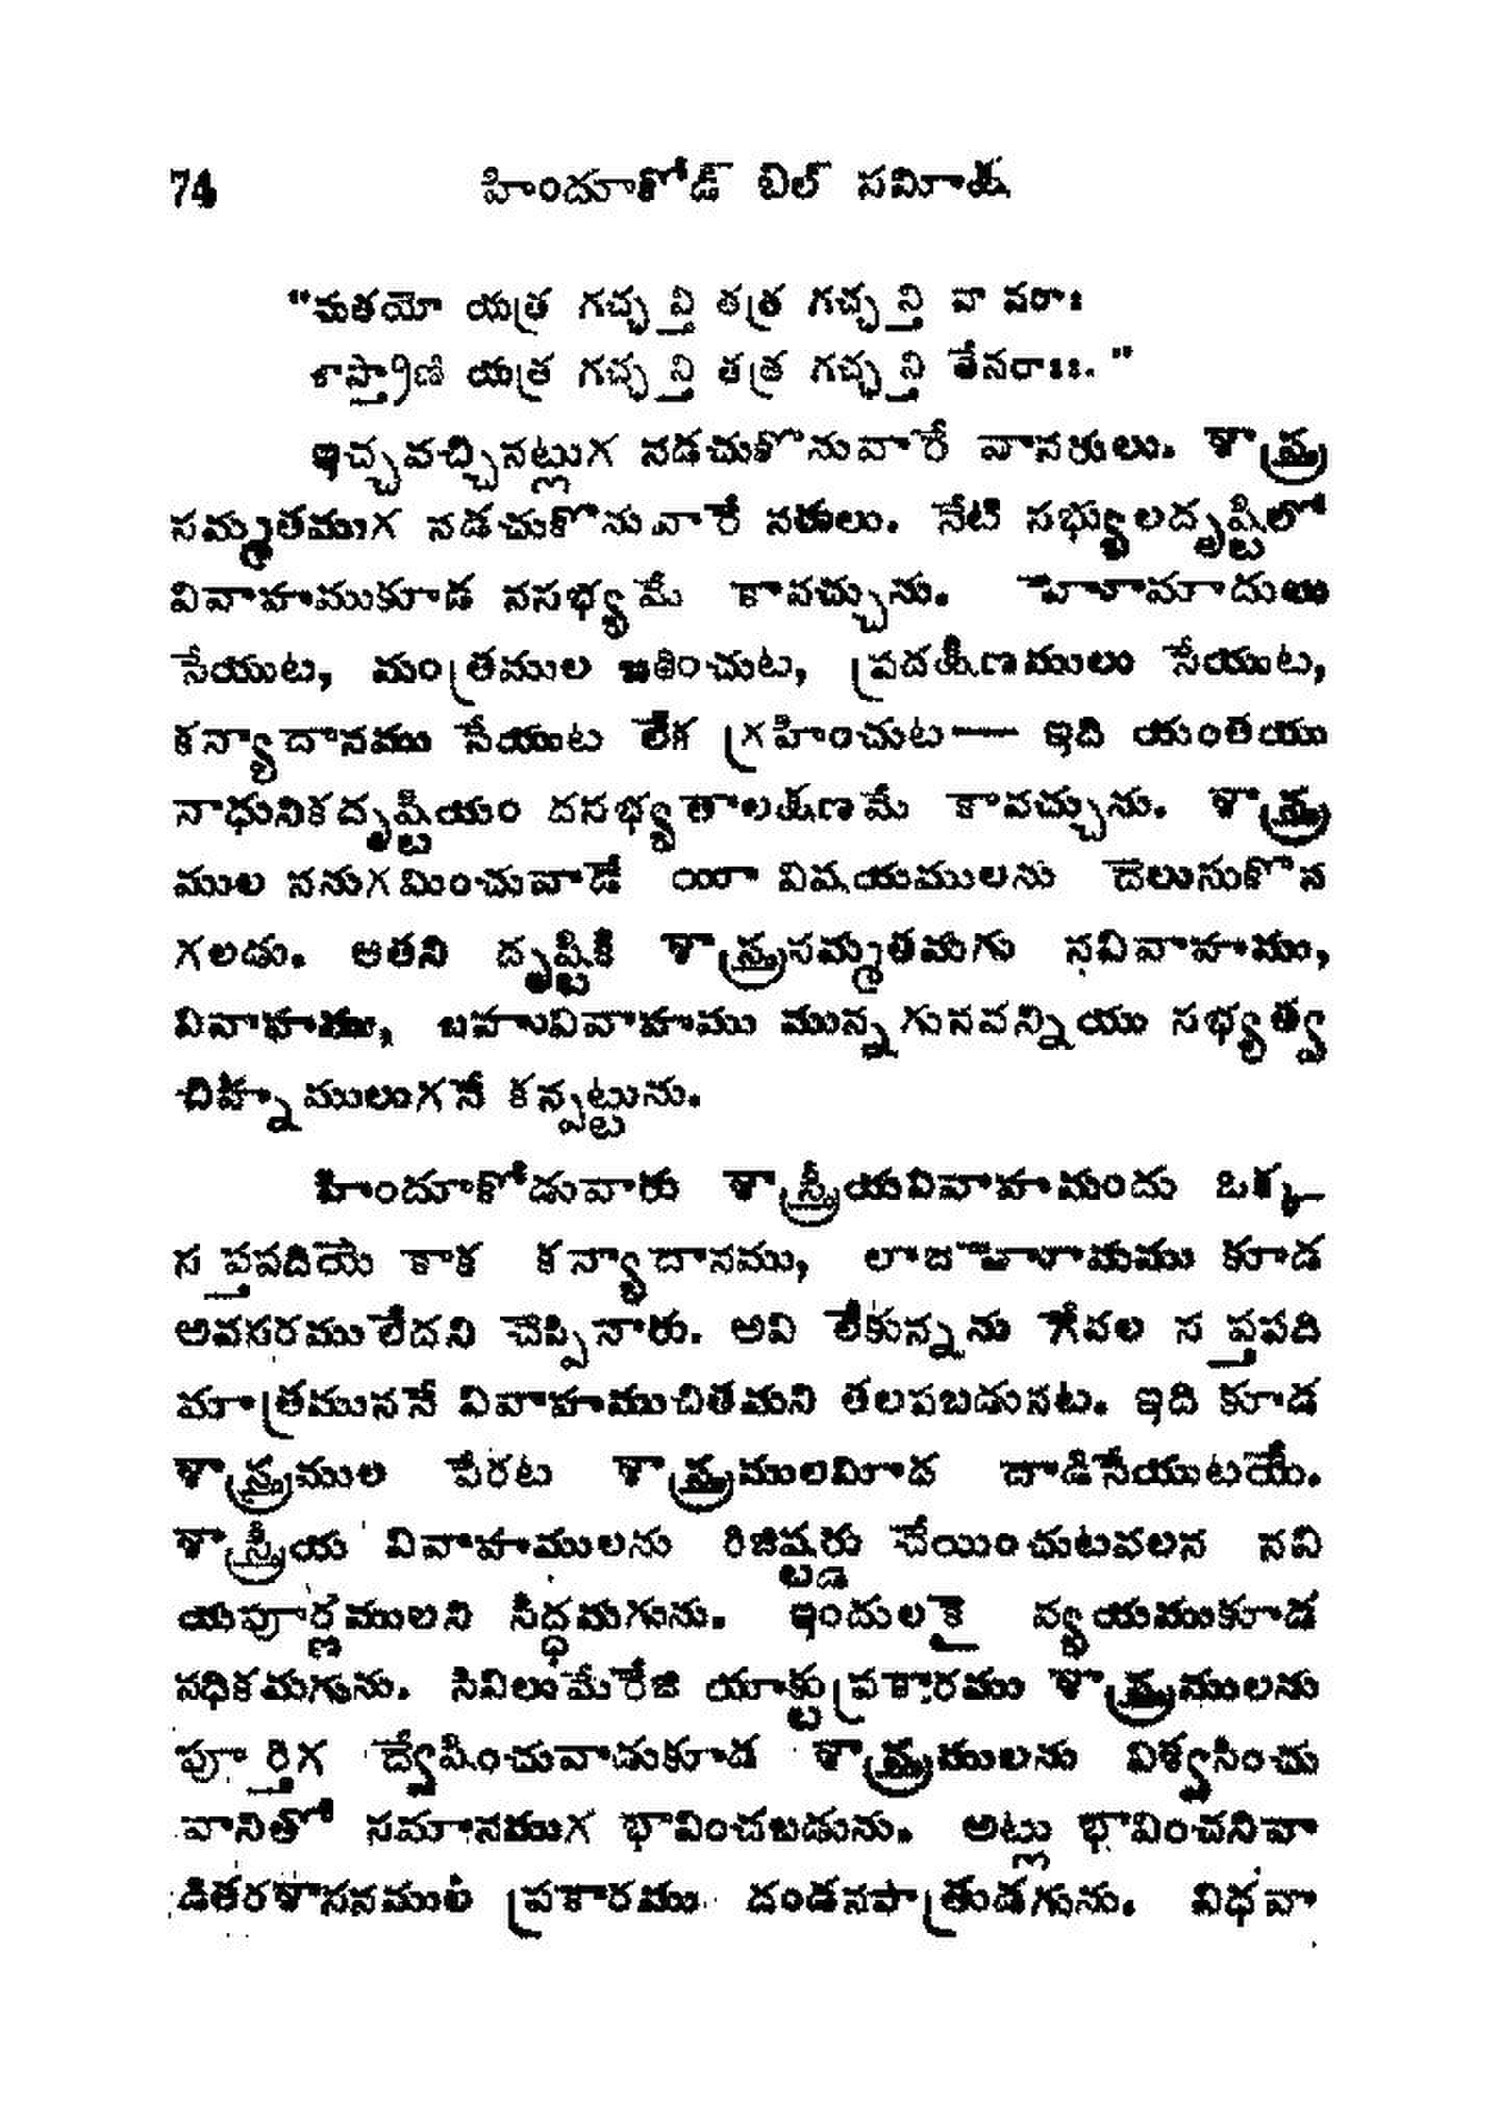"మతయో యత్ర గచ్ఛన్తి తత్ర గచ్చన్తి వా నరాః
శాస్త్రాణి యత్ర గచ్ఛన్తి తత్ర గచ్ఛన్తి తేనరాః."

ఇచ్చవచ్చినట్లుగ నడచుకొనువారే వానరులు, శాస్త్ర 
సమ్మతముగ నడచుకొనువారే నరులు. నేటి సభ్యులదృష్టిలో
వివాహముకూడ నసభ్యమే కావచ్చును. హోమాదులు
సేయుట, మంత్రముల బఠించుట, ప్రదక్షిణములు సేయుట,
కన్యాదానము సేయుట లేక గ్రహించుట- ఇది యంతయు
నాధునిక దృష్టియం దనభ్యతాలక్షణమే కావచ్చును. శాస్త్రముల 
ననుగమించువాడే యీయీ విషయములను దెలుసుకొన
గలడు. అతని దృష్టికి శాస్త్ర సమ్మతమగు నవివాహము,
వివాహము, బహువివాహము మున్నగునవన్నియు సభ్యత్వ
చిహ్నములుగనే కన్పట్టును.

హిందూకోడువారు శాస్త్రీయ వివాహమందు ఒక్క
సప్తపదియే కాక కన్యాదానము, లాజహోమము కూడ
అవసరములేదని చెప్పినారు. అవి లేకున్నను గేవల సప్తపది
మాత్రముననే వివాహముచితమని తలపబడునట. ఇది కూడ
శాస్త్రముల పేరట శాస్త్రములమీద దాడిచేయుటయే.
శాస్త్రీయ వివాహములను రిజిష్టరు చేయించుటవలన నవి
యపూర్ణములని సిద్ధమగును. ఇందులకై వ్యయముకూడ
నధికమగును, సివిలుమేరేజి యాక్టు ప్రకారము శాస్త్రములను
పూర్తిగ ద్వేషించువాడుకూడ శాస్త్రములను విశ్వసించు
వానితో సమానముగ భావించబడును. అట్లు భావించనివా
డితరశాసనముల ప్రకారము దండనపాత్రుడగును. విధవా